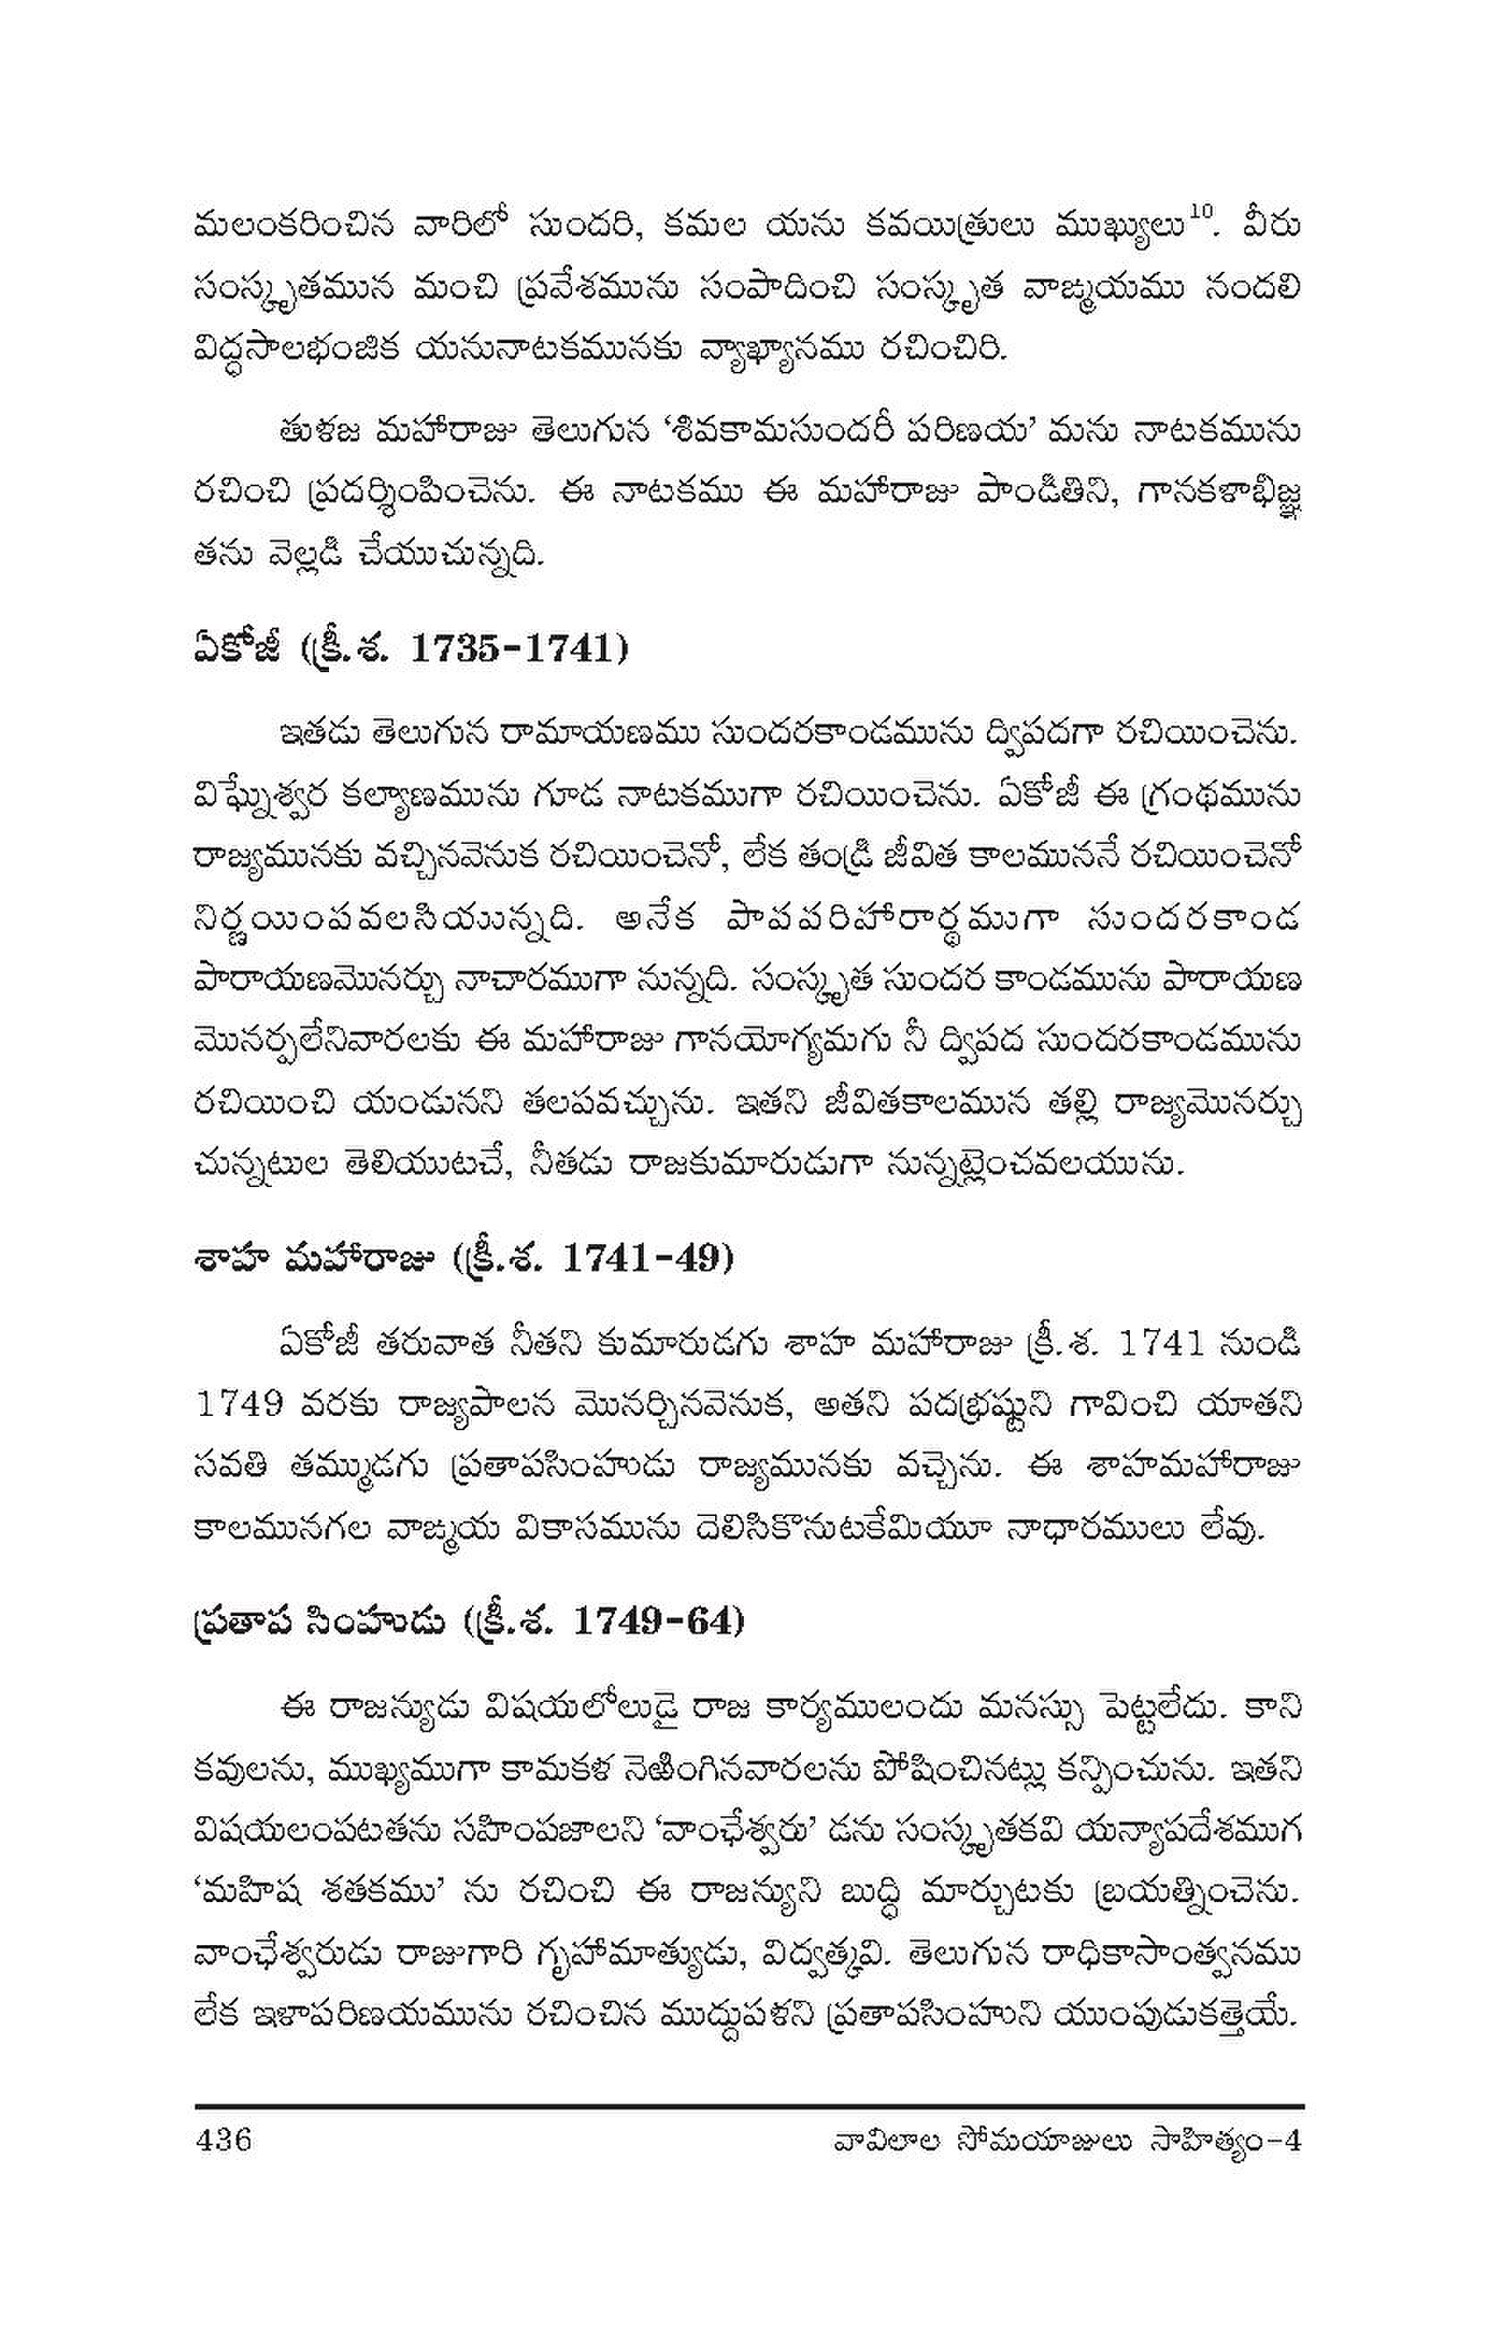మలంకరించిన వారిలో సుందరి, కమల యను కవయిత్రులు ముఖ్యులు 10. వీరు
సంస్కృతమున మంచి ప్రవేశమును సంపాదించి సంస్కృత వాఙ్మయము నందలి
విద్ధసాలభంజిక యనునాటకమునకు వ్యాఖ్యానము రచించిరి.

తుళజ మహారాజు తెలుగున 'శివకామసుందరీ పరిణయ' మను నాటకమును
రచించి ప్రదర్శింపించెను. ఈ నాటకము ఈ మహారాజు పాండితిని, గానకళాభిజ్ఞ
తను వెల్లడి చేయుచున్నది.

ఏకోజీ (క్రీ.శ. 1735-1741)

ఇతడు తెలుగున రామాయణము సుందరకాండమును ద్విపదగా రచియించెను.
విఘ్నేశ్వర కల్యాణమును గూడ నాటకముగా రచియించెను. ఏకోజీ ఈ గ్రంథమును
రాజ్యమునకు వచ్చినవెనుక రచియించెనో, లేక తండ్రి జీవిత కాలముననే రచియించెనో
నిర్ణయింపవలసియున్నది. అనేక పాపపరిహారార్థముగా సుందరకాండ
పారాయణమొనర్చు నాచారముగా నున్నది. సంస్కృత సుందర కాండమును పారాయణ
మొనర్పలేనివారలకు ఈ మహారాజు గానయోగ్యమగు నీ ద్విపద సుందరకాండమును
రచియించి యండునని తలపవచ్చును. ఇతని జీవితకాలమున తల్లి రాజ్యమొనర్చు
చున్నటుల తెలియుటచే, నీతడు రాజకుమారుడుగా నున్నట్లెంచవలయును.

శాహ మహారాజు (క్రీ.శ. 1741-49)

ఏకోజీ తరువాత నీతని కుమారుడగు శాహ మహారాజు క్రీ.శ. 1741 నుండి
1749 వరకు రాజ్యపాలన మొనర్చినవెనుక, అతని పదభ్రష్టుని గావించి యాతని
సవతి తమ్ముడగు ప్రతాపసింహుడు రాజ్యమునకు వచ్చెను. ఈ శాహమహారాజు
కాలమునగల వాఙ్మయ వికాసమును దెలిసికొనుటకేమియూ నాధారములు లేవు.

ప్రతాప సింహుడు (క్రీ.శ. 1749-64)

ఈ రాజన్యుడు విషయలోలుడై రాజ కార్యములందు మనస్సు పెట్టలేదు. కాని
కవులను, ముఖ్యముగా కామకళ నెఱింగినవారలను పోషించినట్లు కన్పించును. ఇతని
విషయలంపటతను సహింపజాలని 'వాంఛేశ్వరు' డను సంస్కృతకవి యన్యాపదేశముగ
‘మహిష శతకము' ను రచించి ఈ రాజన్యుని బుద్ధి మార్చుటకు బ్రయత్నించెను.
వాంఛేశ్వరుడు రాజుగారి గృహామాత్యుడు, విద్వత్కవి. తెలుగున రాధికాసాంత్వనము
లేక ఇళాపరిణయమును రచించిన ముద్దుపళని ప్రతాపసింహుని యుంపుడుకత్తెయే.